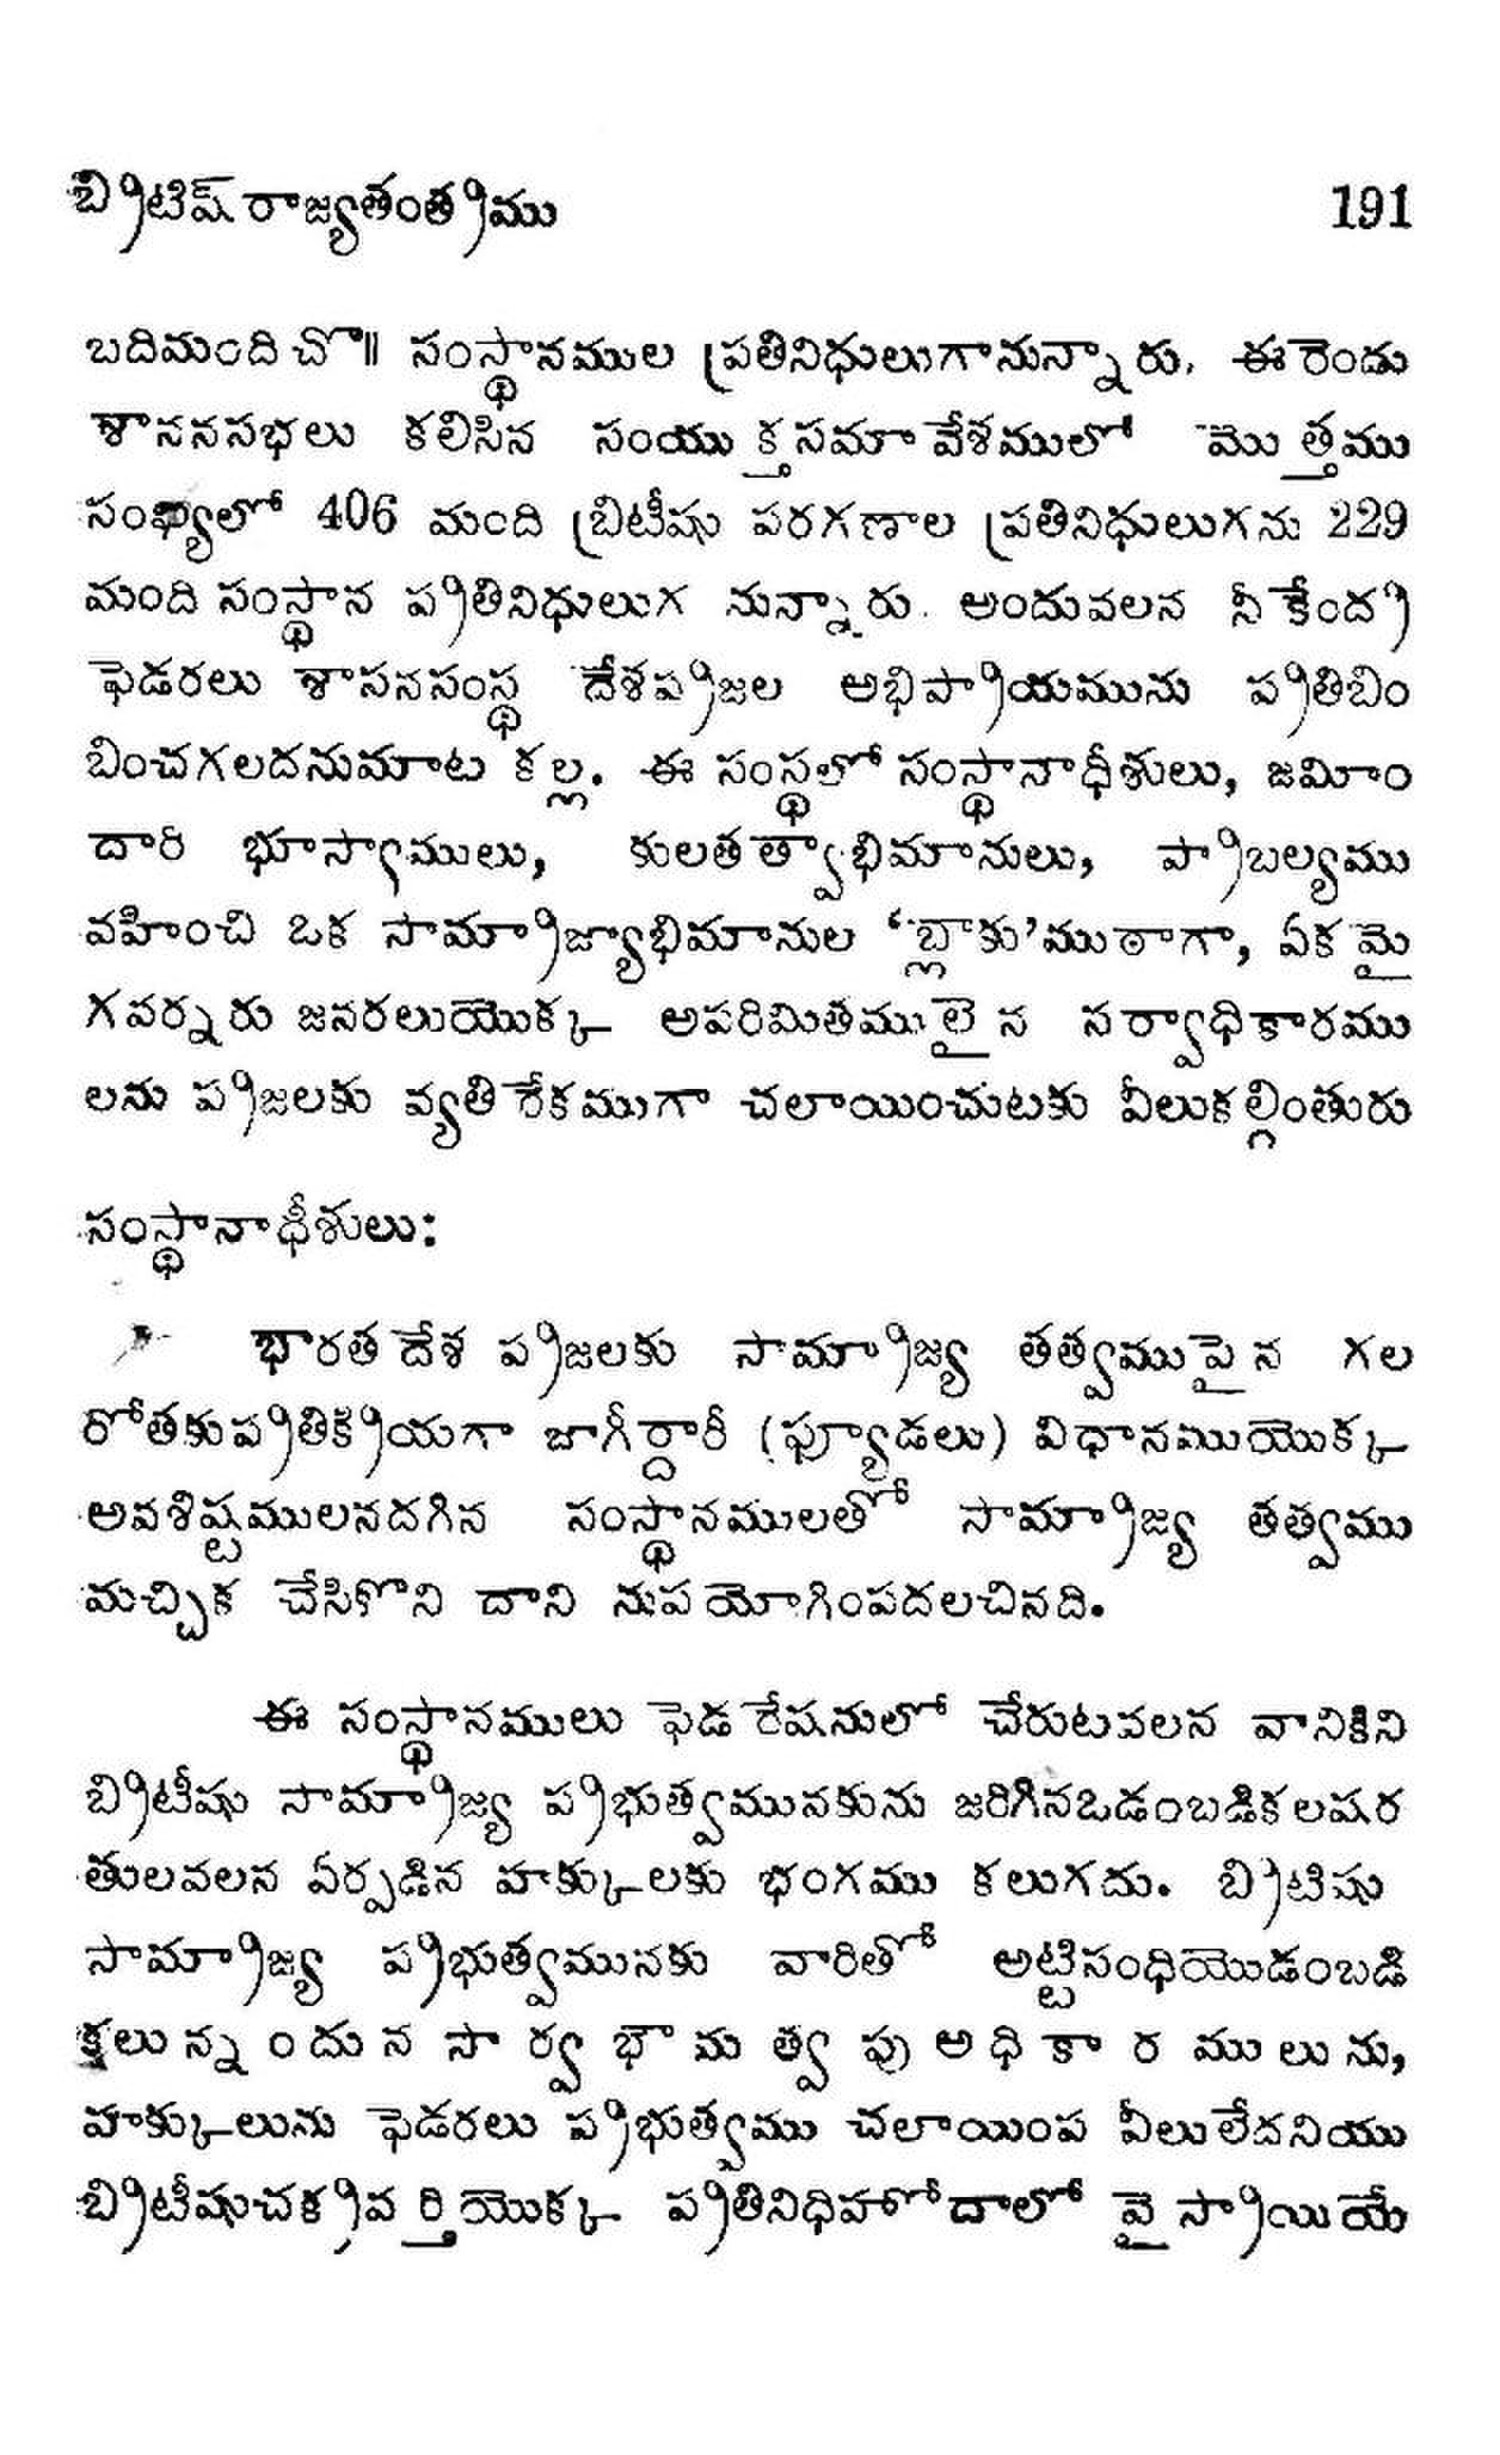బదిమంది చొ॥ సంస్థానముల ప్రతినిధులుగానున్నారు. ఈ రెండు శాసనసభలు కలిసిన సంయుక్త సమావేశములో మొత్తము సంఖ్యలో 406 మంది బ్రిటీషు పరగణాల ప్రతినిధులుగను 229 మంది సంస్థాన ప్రతినిధులుగ నున్నారు. అందువలన నీ కేంద్ర ఫెడరలు శాసనసంస్థ దేశప్రజల అభిప్రాయమును ప్రతిబింబించగలదనుమాట కల్ల. ఈ సంస్థలో సంస్థానాధీశులు, జమీందారి భూస్వాములు, కులతత్వాభిమానులు, ప్రాబల్యము వహించి ఒక సామ్రాజ్యాభిమానుల “బ్లాకు'ముఠాగా, ఏకమై గవర్నరు జనరలు యొక్క అపరిమితములైన సర్వాధికారములను ప్రజలకు వ్యతిరేకముగా చలాయించుటకు వీలుకల్గింతురు 

సంస్థానాధీశులు:

భారతదేశ ప్రజలకు సామ్రాజ్య తత్వముపైన గల రోతకుప్రతిక్రియగా జాగీర్దారీ (ఫ్యూడలు) విధానముయొక్క
అవశిష్టములనదగిన సంస్థానములతో సామ్రాజ్య తత్వము మచ్చిక చేసికొని దాని నుపయోగింపదలచినది.

ఈ సంస్థానములు ఫెడరేషనులో చేరుటవలన వానికిని బ్రిటీషు సామ్రాజ్య ప్రభుత్వమునకును జరిగిన ఒడంబడికల షరతులవలన ఏర్పడిన హక్కులకు భంగము కలుగదు. బ్రిటిషు సామ్రాజ్య ప్రభుత్వమునకు వారితో అట్టిసంధియొడం బడికలున్నందున సార్వభౌమత్వపు అధికారములును, హక్కులును ఫెడరలు ప్రభుత్వము చలాయింప వీలులేదనియు బ్రిటీషుచక్రవర్తియొక్క ప్రతినిధిహోదాలో వైస్రాయియే